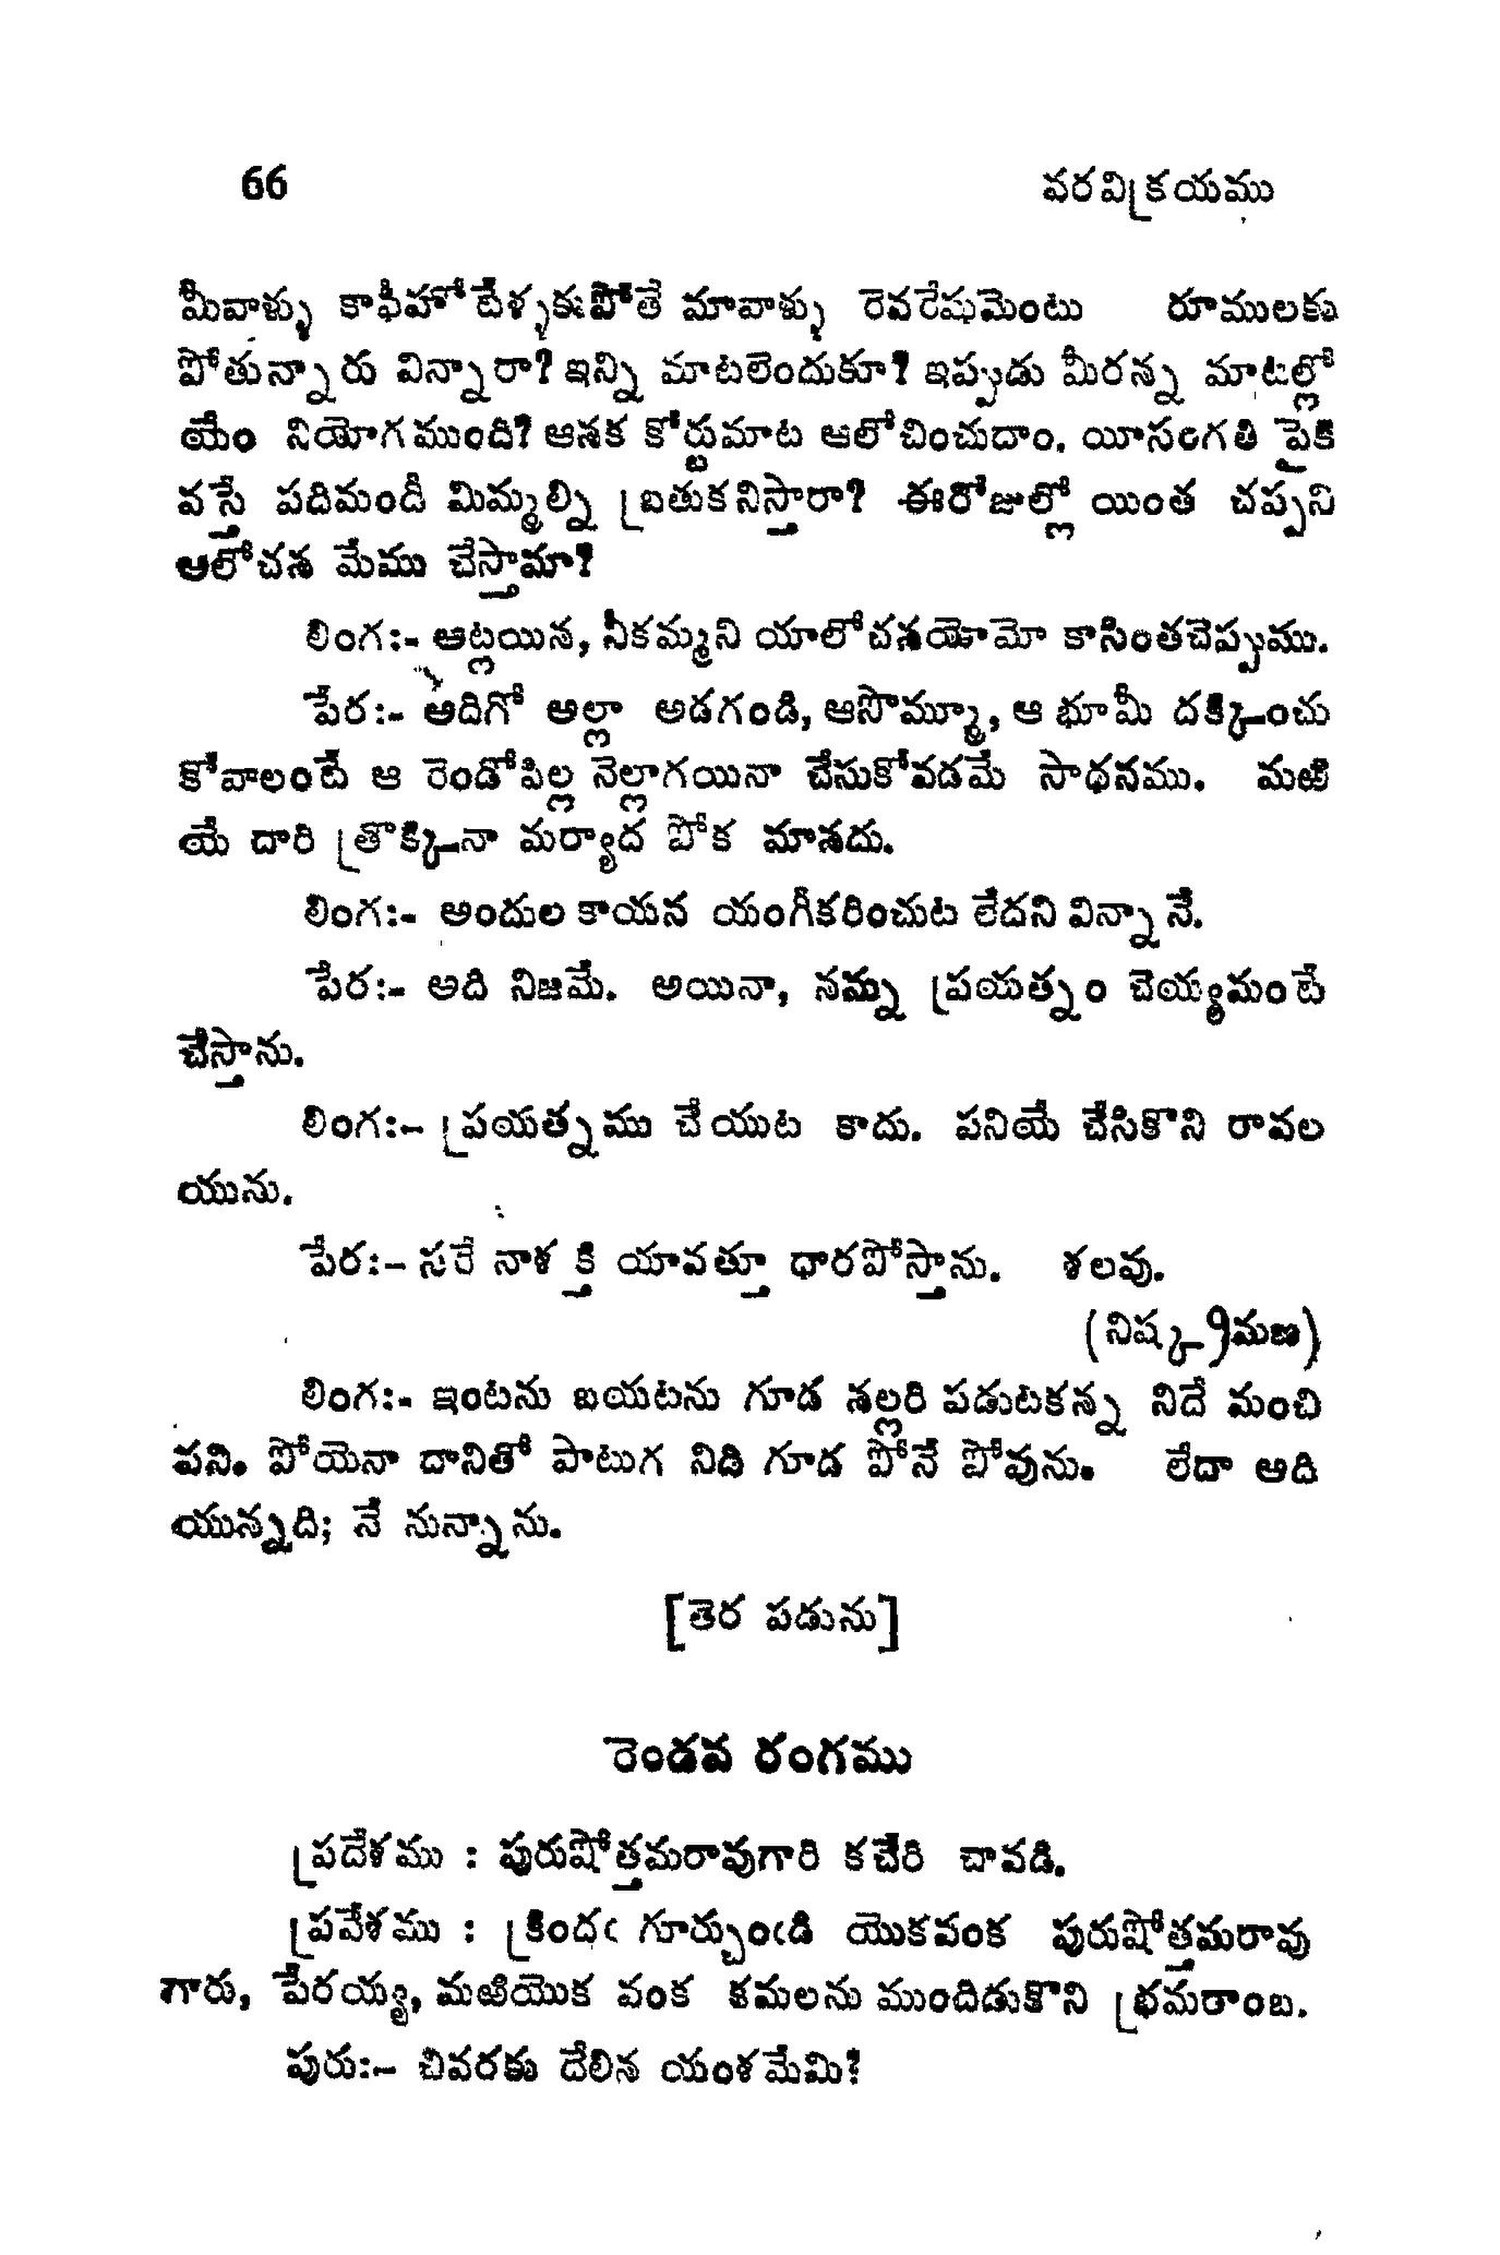మీవాళ్ళు కాఫీహొటేళ్ళకుపోతే మావాళ్ళు రెపరేషుమెంటు రూములకు పోతున్నారు! విన్నారా? ఇన్ని మాటలెందుకూ? ఇప్పుడు మీరన్న మాటల్లో యేం నియోగముంది? ఆనక కోర్టుమాట ఆలోచించుదాం. యీసంగతి పైకివస్తే పదిమందీ మిమ్మల్ని బ్రతుకనిస్తారా? ఈరోజుల్లో యింత చప్పని ఆలోచన మేము చేస్తామా!

లింగ :- అట్టయిన, నీ కమ్మని యాలోచన యేమో కాసింత చెప్పుము.

పేర :- అదిగో అల్లా అడగండి! ఆ సొమ్మూ, ఆభూమీ దక్కించు కోవాలంటే ఆ రెండోపిల్ల నెల్లాగయినా చేసుకోవడమే సాధనము. మఱి యే దారి త్రొక్కినా మర్యాద పోక మానదు.

లింగ :- అందుల కాయన యంగీకరించుట లేదని విన్నానే?

పేర : -అది నిజమే. అయినా, నన్ను ప్రయత్నం చెయ్యమంటే చేస్తాను.

లింగ :- ప్రయత్నము చేయుట కాదు. పనియే చేసికొని రావలయును.

పేర :- సరే నాశక్తి యావత్తూ ధారపోస్తాను. శలవు. (నిష్క్రమణ)

లింగ :- ఇంటను బయటను గూడ నల్లరి పడుటకన్న నిదే మంచిపని! పోయెనా దానితో పాటుగ నిది గూడ పోనే పోవును. లేదా అది యున్నది నే నున్నాను.
 

రెండవ రంగము
 

ప్రవేశము : క్రిందఁ గూర్చుండి యొకవంక పురుషోత్తమరావుగారు, పేరయ్య, మఱియొక వంక కమలను ముందిడుకొని భ్రమరాంబ.

పురు :- చివరకు దేలిన యంశమేమి?